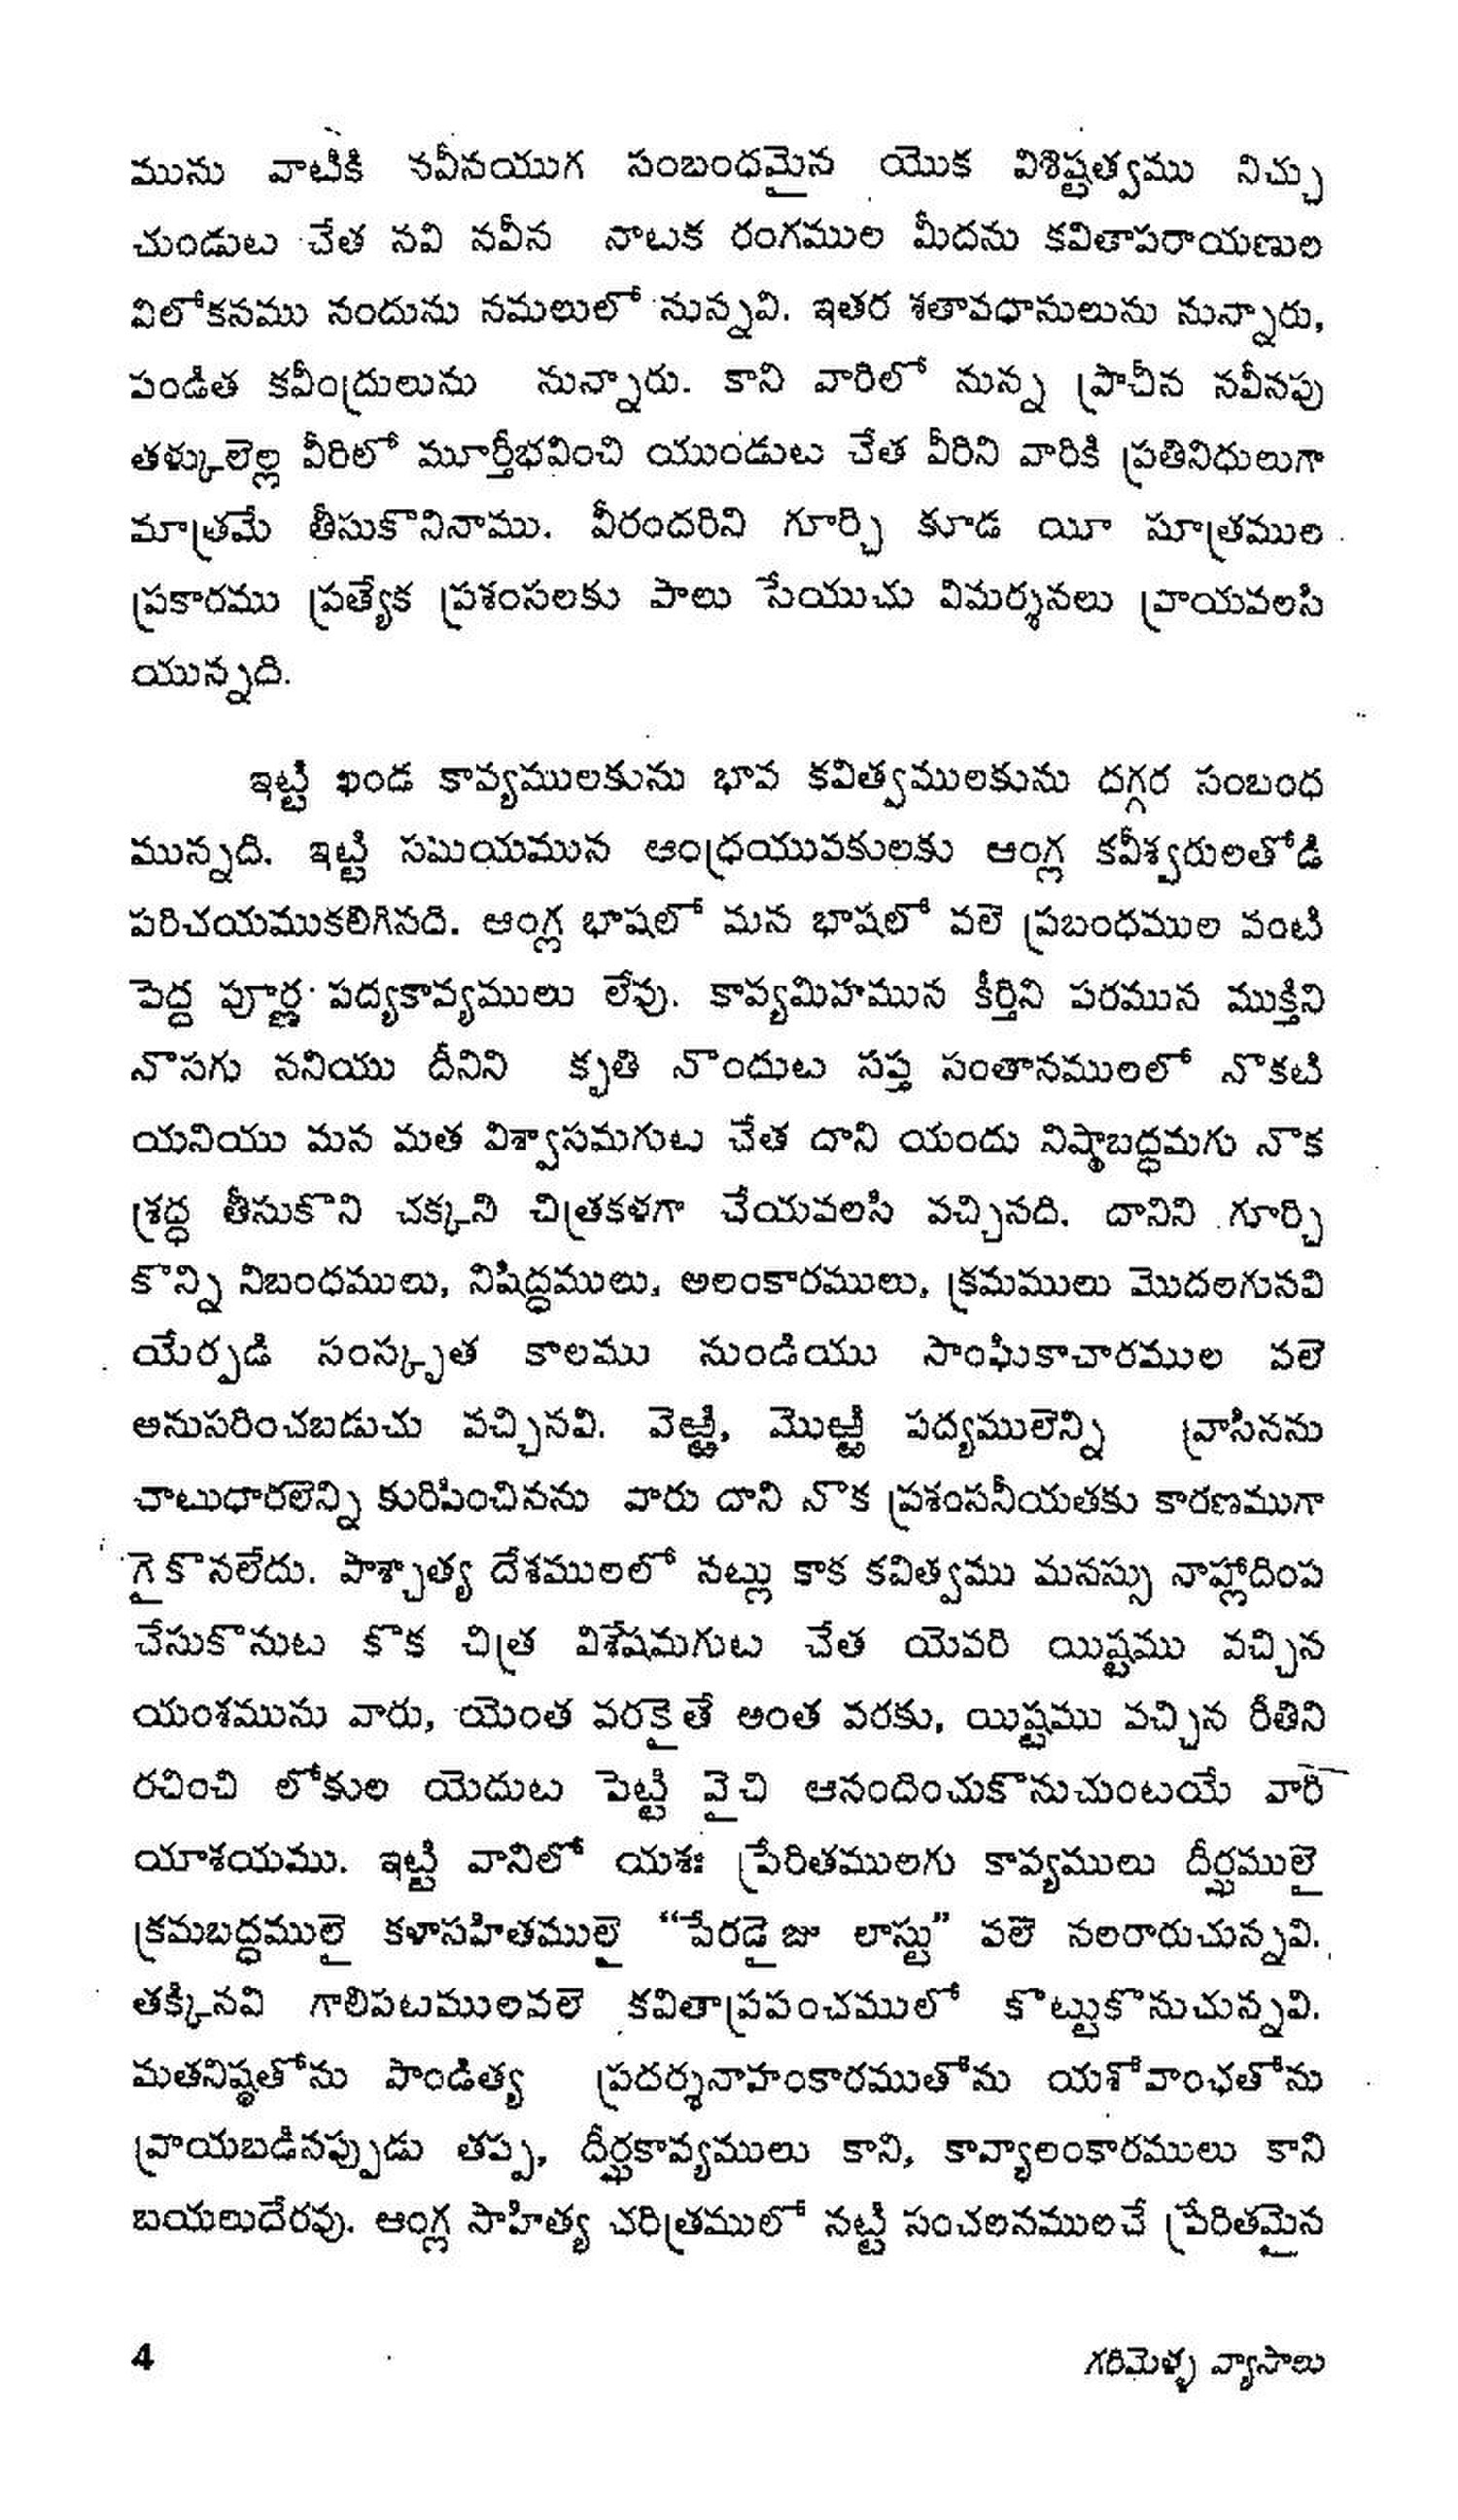మును వాటికి నవీనయుగ సంబంధమైన యొక విశిష్టత్వము నిచ్చుచుండుట చేత నవి నవీన నాటక రంగముల మీదను కవితాపరాయణుల విలోకనము నందును నమలులో నున్నవి. ఇతర శతావధానులును నున్నారు, పండిత కవీంద్రులును నున్నారు. కాని వారిలో నున్న ప్రాచీన నవీనపు తళ్కులెల్ల వీరిలో మూర్తీభవించి యుండుట చేత వీరిని వారికి ప్రతినిధులుగా మాత్రమే తీసుకొనినాము. వీరందరిని గూర్చి కూడ యీ సూత్రముల ప్రకారము ప్రత్యేక ప్రశంసలకు పాలు సేయుచు విమర్శనలు వ్రాయవలసి యున్నది.

ఇట్టి ఖండ కావ్యములకును భావ కవిత్వములకును దగ్గర సంబందమున్నది. ఇట్టి సమయమున ఆంధ్రయువకులకు ఆంగ్ల కవీశ్వరులతోడి పరిచయముకలిగినది. ఆంగ్ల భాషలో మన భాషలో వలె ప్రబంధముల వంటి పెద్ద పూర్ణ పద్యకావ్యములు లేవు. కావ్యమిహమున కీర్తిని పరమున ముక్తిని నొసగు ననియు దీనిని కృతి నొందుట సప్త సంతానములలో నొకటి యనియు మన మత విశ్వాసమగుట చేత దాని యందు నిష్ఠాబద్దమగు నొక శ్రద్ధ తీసుకొని చక్కని చిత్రకళగా చేయవలసి వచినది. దానిని గూర్చి కొన్ని నిబందములు, నిషిద్ధములు, అలంకారములు, క్రమములు మొదలగు నొక శ్రద్ధ తీసుకొని చక్కని చిత్రకళగా చేయవలసి వచ్చినది. దానిని గూర్చి కొన్ని నిబందములు, నిషిద్ధములు, అలంకారములు, క్రమములు మొదలగునవి యేర్పడి సంస్కృత కాలము నుండియు సాంఘికాచారముల వలె అనుసరించబడుచు వచ్చినవి. వెఱ్ఱి, మొఱ్ఱి పద్యములెన్ని వ్రాసినను చాటుధారలెన్ని కురిపించినను వారు దాని నొక ప్రశంసనీయతకు కారణముగా గైకొనలేదు. పాశ్చాత్య దేశములలో నట్లు కాక కవిత్వము మనస్సు నాహ్లాదింప చేసుకొనుట కొక చిత్ర విశేషమగుట చేత యెవరి యిష్టము వచ్చిన యంశమును వారు, యెంత వరకైతే అంతవరకు, యిష్టము వచ్చిన రీతిని రచించి లోకుల యెదుట పెట్టి వైచి ఆనందించుకొనుచుంటయే వారి యాశయము. ఇట్టి వానిలో యశః ప్రేరితములగు కావ్యములు దీర్ఘములై క్రమబద్ధములై కళాసహితములై "పేరడైజు లాస్టు" వలె నలరారుచున్నవి. తక్కినవి గాలిపటములవలె కవితాప్రపంచములో కొట్టుకొనుచున్నవి. మతనిష్ఠతోను పాండిత్య ప్రదర్శనాహంకారముతోను యశోవాంఛతోను వ్రాయబడినప్పుడు తప్ప, దీర్ఘకావ్యములు కాని, కావ్యాలంకారములు కాని బయలుదేరవు. ఆంగ్ల సాహిత్య చరిత్రములో నట్టి సంచలనములనే ప్రేరితమైన